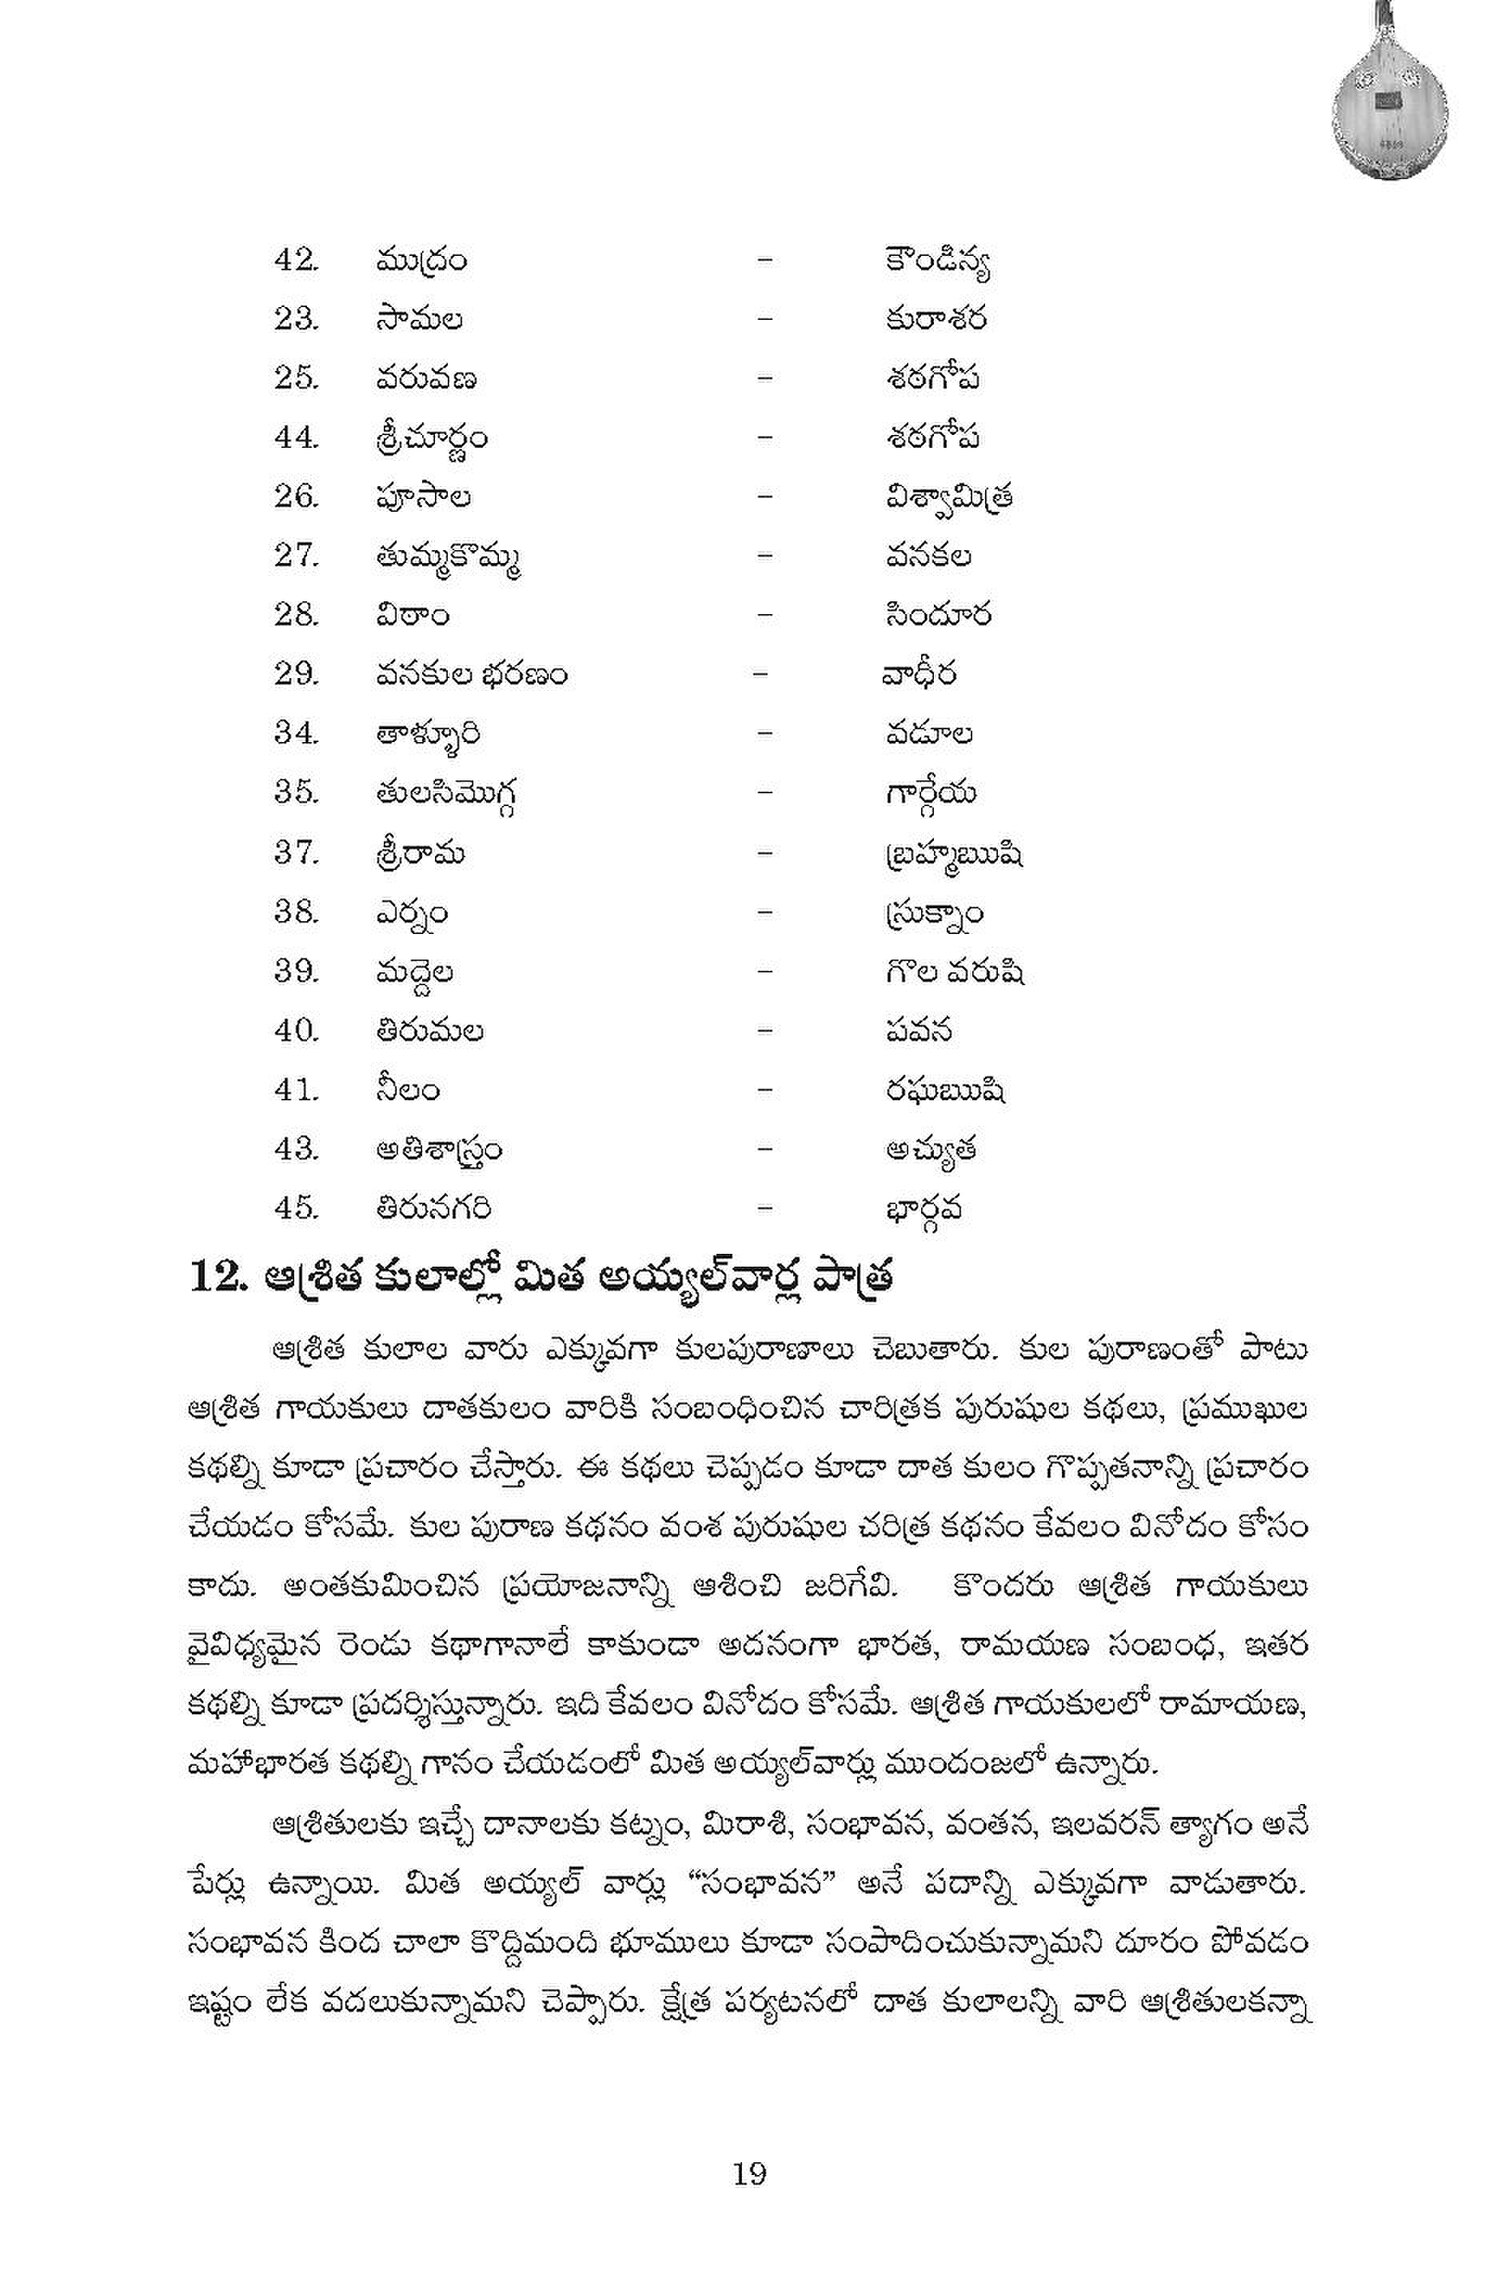+ 42 ముద్రం కౌండిన్య 23 సామల కురాశర 25 పరువణ శఠగోప 44 శ్రీచూర్ణం శఠగోప 26 పూసాల విశ్వామిత్ర 27 తుమ్మకొమ్మ వనకల 28 విఠాం సిందూర 29 వనకుల భరణం వాధీర 34 తాళ్ళూరి వడూల 35 తులసిమొగ్గ గార్గేయ 37 శ్రీరామ బ్రహ్మఋషి 38 ఎర్నం సుక్నాం 39 మద్దెల గొల పరుషి 40 తిరుమల పవన 41 నీలం రఘఋషి43 అతిశాస్త్రం అచ్యుత 45 తిరునగరి భార్గవ

12. ఆశ్రిత కులాల్లో మిత అయ్యల్వార్ల పాత్ర 

ఆశ్రిత కులాల వారు ఎక్కువగా కులపురాణాలు చెబుతారు. కుల పురాణంతో పాటు ఆశ్రిత గాయకులు దాతకులం వారికి సంబంధించిన చారిత్రక పురుషుల కథలు, ప్రముఖుల కథల్ని కూడా ప్రచారం చేస్తారు. ఈ కథలు చెప్పడం కూడా దాత కులం గొప్పతనాన్ని ప్రచారం చేయడం కోసమే. కుల పురాణ కథనం వంశ పురుషులు చరిత్ర కథనం కేవలం వినోదం కోసం కాదు. అంతకుమించిన ప్రయోజనాన్ని ఆశించి జరిగేవి. కొందరు ఆశ్రిత గాయకులు వైవిధ్యమైన రెండు కథాగానాలే కాకుండా అదనంగా భారత, రామయణ సంబంధ, ఇతర కథల్ని కూడా ప్రదర్శిస్తున్నారు. ఇది కేవలం వినోదం కోసమే. ఆశ్రిత గాయకులలో రామాయణ, మహాభారత కథల్ని గానం చేయడంలో మిత అయ్యల్వార్లు ముందంజలో ఉన్నారు.

ఆశ్రితులకు ఇచ్చే దానాలకు కట్నం, మిరాశి, సంభావన, వంతన, ఇలవరన్ త్యాగం అనే పేర్లు ఉన్నాయి. మిత అయ్యల్ వార్లు “సంభావన" అనే పదాన్ని ఎక్కువగా వాడుతారు. సంభావన కింద చాలా కొద్దిమంది భూములు కూడా సంపాదించుకున్నామని దూరం పోవడం ఇష్టం లేక వదలుకున్నామని చెప్పారు. క్షేత్ర పర్యటనలో దాత కులాలన్ని వారి ఆశ్రితులకన్నా